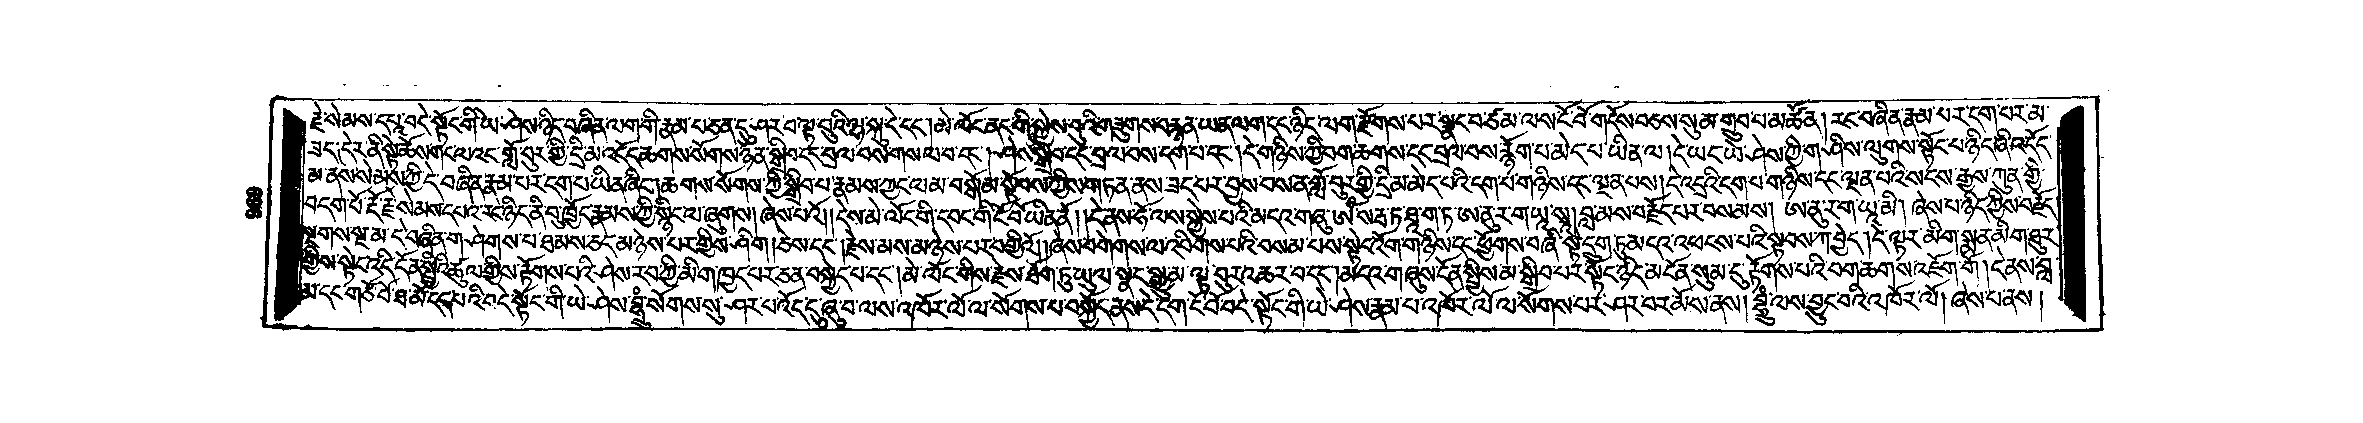རྗེ་སེམས་དཔའ་བདེ་སྟོང་གི་ཡེ་ཤེས་ཉིད་བཞིན་ལག་གི་རྣམ་པ་ཅན་དུ་ཤར་བ་ལྟ་བུའི་ལྷ་སྐུ་དེ་དང་། མེ་ལོང་ནང་གི་སྐྱེས་བུའི་གཟུགས་བརྙན་ཡན་ལག་དང་ཉིད་ལག་རྫོགས་པར་སྣང་བ་ཙམ་ལས་ངོ་བོ་གདོས་བཅས་སུམ་གྲུབ་པ་མཚོན། རང་བཞིན་རྣམ་པར་དག་པར་མ་
ཟད། དེར་ནི་སྟེ་ཆོས་གང་ལའང་གློ་བུར་གྱི་དྲི་མ་འདོད་ཆགས་སོགས་ཉོན་སྒྲིབ་དང་བྲལ་བས་གསལ་བ་དང་། ཤེས་སྒྲིབ་དང་བྲལ་བས་དག་པ་དང་། དེ་གཉིས་ཀྱི་བག་ཆགས་དང་བྲལ་བས་རྙོག་པ་མེད་པ་ཡིན་ལ། དེ་ཡང་ཡེ་ཤེས་ཀྱི་གཤིས་ལུགས་སྟོང་པ་ཉིད་ཞི་འདོད་
མ་ནས་སེམས་ཀྱི་དེ་བཞིན་རྣམ་པར་དག་པ་ཡིན་ཞིང་། ཆགས་སོགས་ཀྱི་སྒྲིབ་པ་རྣམས་ཀྱང་ལམ་བསྒོམ་སྟོབས་ཀྱིས་གཏན་ནས་ཟད་པར་བྱས་བས་ན་གློ་བུར་གྱི་དྲི་མ་མེད་པའི་དག་པ་གཉིས་དང་ལྡན་པས། དེ་འདྲའི་དག་པ་གཉིས་དང་ལྡན་པའི་སངས་རྒྱས་ཀུན་གྱི་
བདག་པོ་རྡོ་རྗེ་སེམས་དཔའི་རང་ཉིད་ནི་བུ་ཁྱོད་རྣམས་ཀྱི་སྙིང་ལ་ཞུགས། ཞེས་པའོ། །དེས་མེ་ལོང་གི་དབང་གི་ངོ་བོ་ཡིན་ནོ། །དེ་ནས་ཧོ་ལས་སྐྱེས་པའི་མདའ་གཞུ་ཨོཾ་སརྦ་ཏ་ཐཱ་ག་ཏ་ཨ་ནུ་ར་ག་ཡཱ་སྭཱ། བླ་མས་བརྗོད་པར་བསམས། ཨ་ནུ་ར་ག་ཡཱ་མི། ཞེས་པ་ཉིད་ཀྱིས་བརྗོད་
སྔགས་སྔ་མ་དེ་བཞིན་གཤེགས་པ་ཐམས་ཅད་མཉེས་པར་གྱིས་ཤིག །ཅེས་དང་། རྗེས་མས་མཉེས་པར་བགྱིའོ། །ཞེས་བགེགས་ལ་འབིགས་པའི་བསམ་པས་སྟེང་འོག་གཉིས་དང་ཕྱོགས་བཞི་སྟེ་དྲུག་ཏུ་མདའ་འཕངས་པའི་སྟབས་ཀ་བྱེད། དེ་ལྟར་མིག་སྨན་མིག་ཐུར་
གྱིས་སྟེང་འདི་དོན་སྤྱིའི་ཚུལ་གྱིས་རྟོགས་པའི་ཤེས་རབ་ཀྱི་མིག་ཁྱད་པར་ཅན་བསྐྱེད་པ་དང་། མེ་ལོང་གིས་རྗེས་ཐོག་ཏུ་ཡུལ་སྣང་སྒྱུ་མ་ལྟ་བུར་འཆར་བ་དང་། མདའ་གཞུས་དོན་སྤྱིས་མ་སྒྲིབ་པར་སྟོང་ཉིད་མངོན་སུམ་དུ་རྟོགས་པའི་བག་ཆགས་འཇོག་གོ །དེ་ནས་བླ་
མ་དང་གཙོ་བོ་ཐ་མོ་དད་པའི་བདེ་སྟོང་གི་ཡེ་ཤེས་བྷྲུཾ་སོགས་སུ་ཤར་པ་འོད་དུ་ཞུ་བ་ལས་འཁོར་ལོ་ལ་སོགས་པ་བསྐྱོད་ནས་དེ་དག་ངོ་བོ་བདེ་སྟོང་གི་ཡེ་ཤེས་རྣམ་པ་འཁོར་ལོ་ལ་སོགས་པར་ཤར་བར་མོས་ནས། བྷྲུཾ་ལས་བྱུང་བའི་འཁོར་ལོ། ཞེས་པ་ནས།